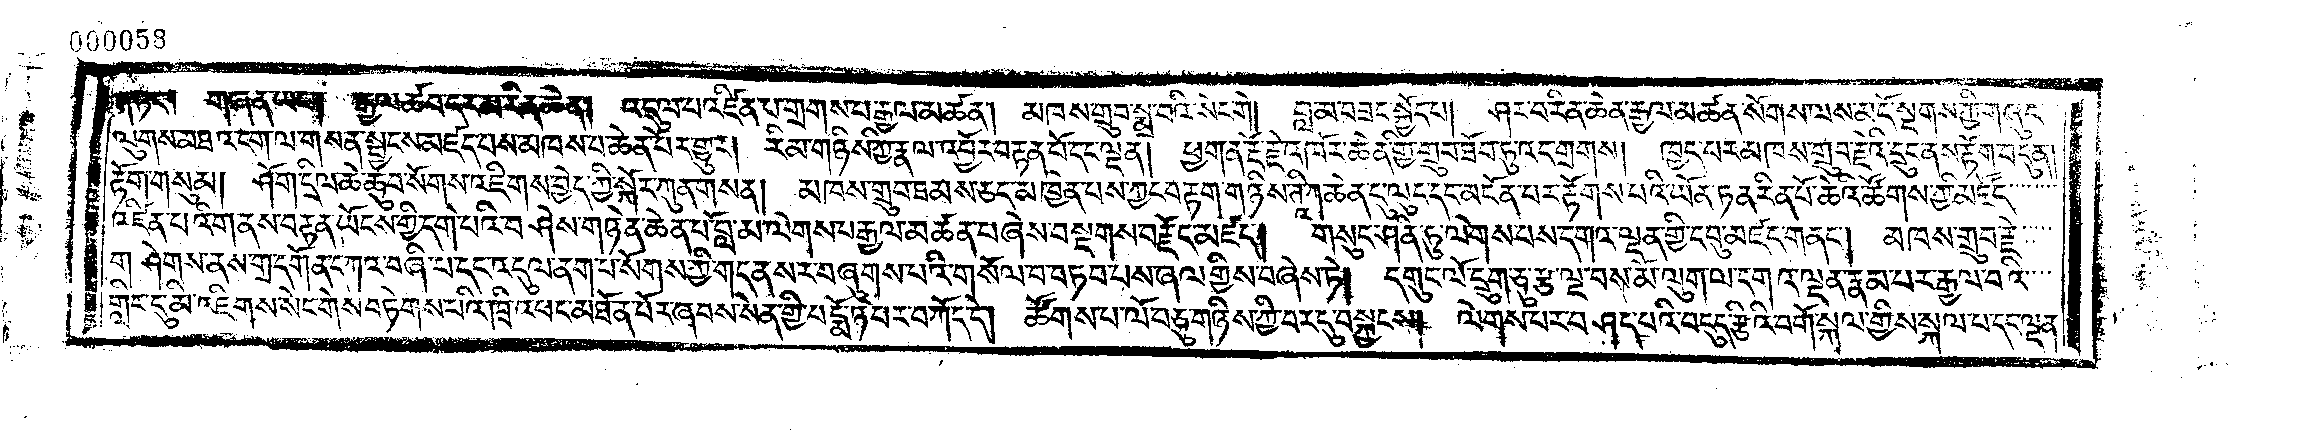གཏད། གཞན་ཡང་། རྒྱལ་ཚབ་དར་མ་རིན་ཆེན། འདུལ་བ་འཛིན་པ་གྲགས་པ་རྒྱལ་མཚན། མཁས་གྲུབ་སྨྲ་བའི་སེང་གེ། བླ་མ་བཟང་སྐྱོང་བ། ཤར་བ་རིན་ཆེན་རྒྱལ་མཚན་སོགས་ལས་མདོ་སྔགས་ཀྱི་གཞུང་
ལུགས་མཐའ་དག་ལ་གསན་སྦྱངས་མཛད་པས་མཁས་པ་ཆེན་པོར་གྱུར། རིམ་གཉིས་ཀྱི་རྣལ་འབྱོར་བརྟན་པོ་དང་ལྡན། ཕྱག་ན་རྡོ་རྗེ་འཁོར་ཆེན་གྱི་གྲུབ་ཐོབ་ཏུའང་གྲགས། ཁྱད་པར་མཁས་གྲུབ་རྗེའི་དྲུང་ནས་རྟོག་བདུན།
རྟོག་གསུམ། ཤོག་དྲིལ་ཆེ་ཆུང་སོགས་འཇིགས་བྱེད་ཀྱི་སྐོར་ཀུན་གསན། མཁས་གྲུབ་ཐམས་ཅད་མཁྱེན་པས་ཀྱང་བརྟག་གཉིས་ཊཱིཀ་ཆེན་དུ་ལུང་དང་མངོན་པར་རྟོགས་པའི་ཡོན་ཏན་རིན་པོ་ཆེའི་ཚོགས་ཀྱི་མཛོད་
འཛིན་པའི་གནས་བརྟན་ཡོངས་ཀྱི་དགེ་བའི་བཤེས་གཉེན་ཆེན་པོ་བླ་མ་ལེགས་པ་རྒྱལ་མཚན་པ་ཞེས་བསྔགས་བརྗོད་མཛད། གསུང་ཤིན་ཏུ་ལེགས་པས་དགའ་ལྡན་གྱི་དབུ་མཛད་གནང་། མཁས་གྲུབ་རྗེ་
གཤེགས་ནས་གྲ་དགོན་དཀའ་བཞི་པ་དང་འདུལ་ནག་པ་སོགས་ཀྱི་གདན་སར་བཞུགས་པའི་གསོལ་བ་བཏབ་པས་ཞལ་གྱིས་བཞེས་ཏེ། དགུང་ལོ་དྲུག་ཅུ་རྩ་ལྔ་པས་མོ་ལུག་ལ་དགའ་ལྡན་རྣམ་པར་རྒྱལ་བའི་
གླིང་དུ་མི་འཇིགས་སེང་གེས་བཏེགས་པའི་ཁྲི་འཕང་མཐོན་པོར་ཞབས་སེན་གྱི་པདམོ་ཉེ་བར་བཀོད་དེ། ཚོགས་པ་ལོ་བཅུ་གཉིས་ཀྱི་བར་དུ་བསྐྱངས། ལེགས་པར་བཤད་པའི་བདུད་རྩིའི་བགོ་སྐལ་གྱིས་སྐལ་བ་དང་ལྡན་